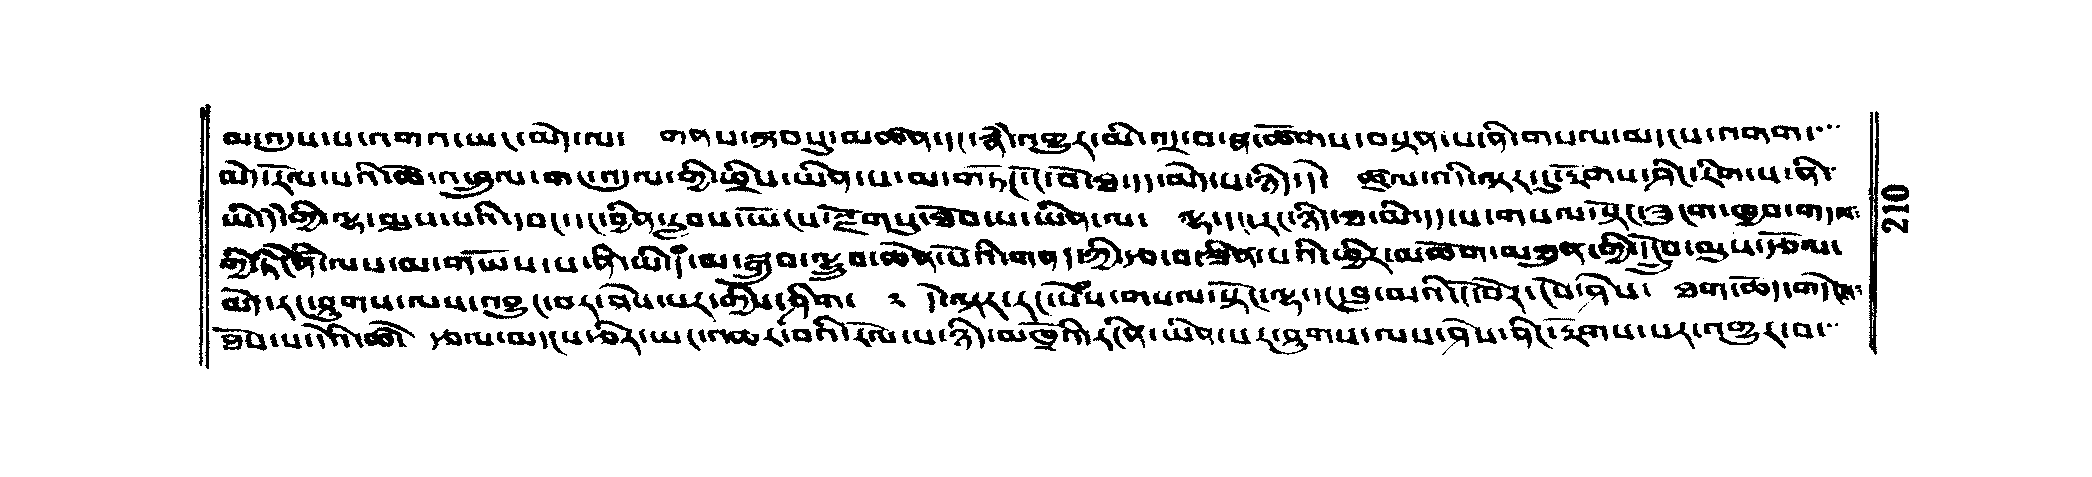མ་འདུས་པ་འགའ་ཡང་མེད་ལ། གནས་སྐབས་སུ་མཚན་དང་རྣམ་འགྱུར་མི་འདྲ་བ་སྣ་ཚོགས་བསྟན་པ་ནི་གསལ་མདངས་འགག་
མེད་རོལ་པའི་ཆོ་འཕྲུལ་གང་འདུལ་གྱི་ཕྲིན་ལས་ཡིན་པ་མ་གཏོགས་ངོ་བོ་ཐ་དད་མེད་པ་ཉིད་དེ།ཚུལ་འདི་ལྟར་དུ་རྟོགས་ཤིང་རིག་པ་ནི་
ཡི་དམ་གྱི་ལྷ་མུས་པའི་དབང་དང་བྱིན་རླབས་ཡོངས་རྫོགས་སུ་ཐོབ་པ་ཡིན་ལ། ལྷ་དང་རང་ཉིད་ཐ་མི་དད་པ་གསལ་སྟོང་ཟུང་ངག་ཁྱབ་གདབ་
ཀྱི་ཏིང་ངེ་འཛིན་ལས་མ་གཡོས་པ་ནི་ཡི་དམ་མ་སྒྲུབ་ལྷུན་གྲུབ་ཆེན་པོའི་གནད་ཀྱི་རྩ་བ་ཟིན་པའི་ཕྱིར་མཆོག་མཐུན་གྱི་དངོས་གྲུབ་མུས་རྩོལ་
མེད་རང་ཤུགས་ལས་འབྱུང་བར་ཤེས་པར་གྱིས་ཤིག དེ་ལྟར་རང་སེམས་གསལ་སྟོང་ལྷ་དང་བླ་མའི་ངོ་བོར་ངེས་ཤེས། ཐག་ཆོད་གདེངས་
ཐོས་པ་དེའི་ཚེ། རྩལ་མདངས་ཅིར་ཡང་འཆར་བའི་རོལ་པ་ཉིད་མཁའ་འགྲོའི་རང་བཞིན་ཡིན་པར་ཤུགས་ལས་ཤེས་ཤིང་རྟོགས་པར་འགྱུར་བ་